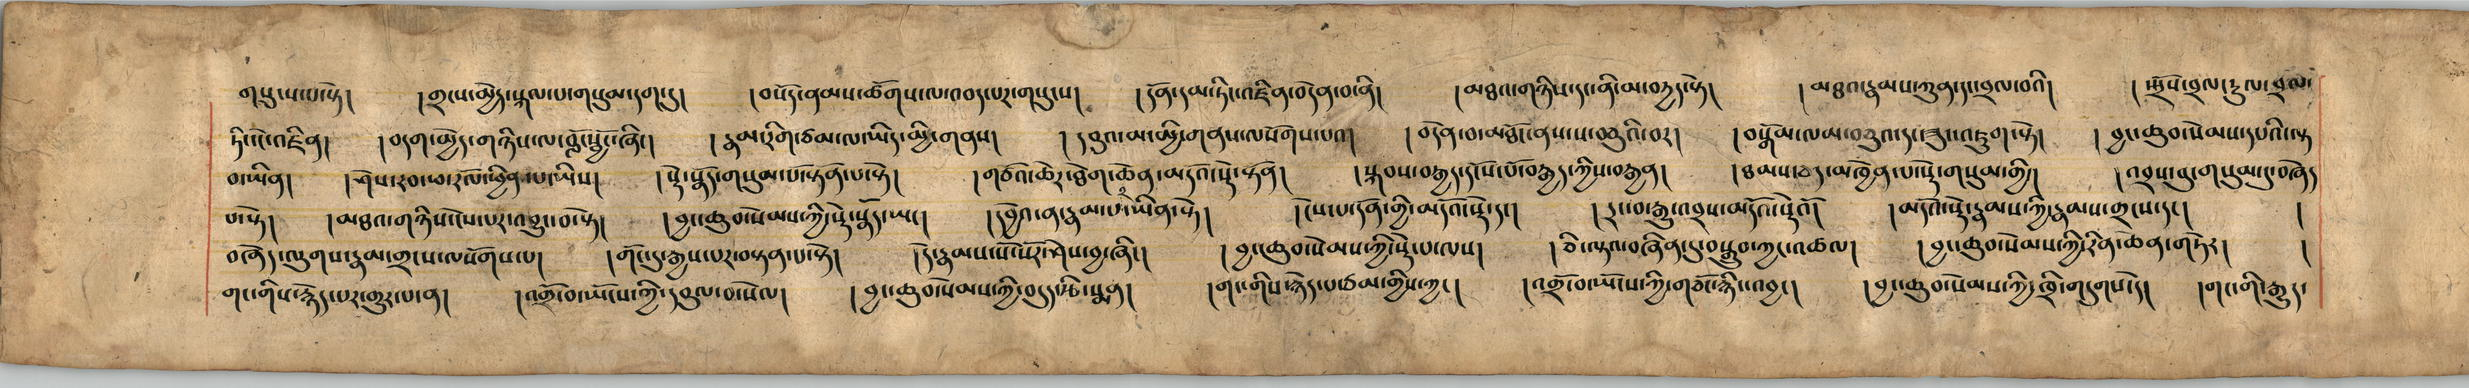གསུངས་པ་སྟེ། །གྲངས་མྱེད་སྐལ་པ་གསུམ་དག་དུ། །བསོད་ནམས་ཚོགས་ལ་འབད་པར་གསུངས། །དོན་དམ་ཏིང་འཛིན་བདེན་བ་ནི། །མཐའ་གཉིས་དང་ནི་མ་བརྱད་སྟེ། །མཐའ་རྣམས་ཀུན་དང་བྲལ་བའི། །སྤྲོས་བྲལ་རྡུལ་བྲལ་
ཏིང་ངེ་འཛིན། །བདག་མྱེད་གཉིས་ལ་བློ་སྦྱོང་ཞིང། །རྣམ་རིག་ཙམ་ལ་ཡིད་མྱི་གནས། །དབུའ་མ་མྱི་གནས་ལསོགས་པའ། །བདེན་བ་མཐོང་ནས་ས་བཅུའི་བར། །བསྒོམ་ལམ་བཅུའ་དང་ཟུང་འཇུག་སྟེ། །བྱང་ཆུབ་སེམས་དཔའི་ལྟ
བ་ཡིན། །ཤེས་རབ་ཕ་རོལ་ཕྱིན་པ་ཡིས། །སྡེ་སྣོད་གསུམ་པ་སྟོན་པ་སྟེ། །གཙོའ་ཆེར་ཐེག་ཆེན་མདོའ་སྡེ་སྟོན། །སྐབས་བརྒྱད་དངོས་པོ་བརྒྱད་ཀྱིས་བརྒྱན། །ཐམས་ཅད་མཁྱེན་པ་སྡེ་གསུམ་གྱི། །འབྲས་བུ་གསུམ་དུ་བཞེད
པ་སྟེ། །མཐའ་གཉིས་ངེས་པར་འབྱང་བ་སྟེ། །བྱང་ཆུབ་སེམས་ཀྱི་སྡེ་སྣོད་ཡང། །དབྱེའ་ན་རྣམ་པ་ཡིན་སྟེ། །ངེས་པ་དོན་གྱི་མདོའ་སྡེ་དང། །དྲང་བ་རྒྱུ་འབྲས་མདོའ་སྡེའོ། །མདོའ་སྡེ་རྣམས་ཀྱི་རྣམས་གྲངས་དང།
བཞེད་ལུགས་རྣམ་གྲངས་ལསོགས་པ། །གོང་དུ་རྒྱས་པར་བསྟན་པ་སྟེ། །དེ་རྣམས་སོ་སོར་ཤེས་བྱ་ཞིང། །བྱང་ཆུབ་སེམས་ཀྱི་སྡེ་པ་ལས། །ཅི་ལྟའ་བཞིན་དུ་བསྒྲུབ་ཀྱང་འཚལ། །བྱང་ཆུབ་སེམས་ཀྱི་རིན་ཆེན་གཏེར།
གང་གིས་རྙེད་པར་གྱུར་པ་ན། །འགྲོ་བ་ཡོངས་ཀྱི་དབུལ་བ་སེལ། །བྱང་ཆུབ་སེམས་ཀྱི་བདུད་རྩི་སྨན། །གང་གིས་རྙེད་པ་ཙམ་གྱིས་ཀྱང། །འགྲོ་བ་ཡོངས་ཀྱི་གཅོང་རྙིང་འབྱང། །བྱང་ཆུབ་སེམས་ཀྱི་ཁྲི་གདུགས་དེ། །གང་གི་རྒྱུད་